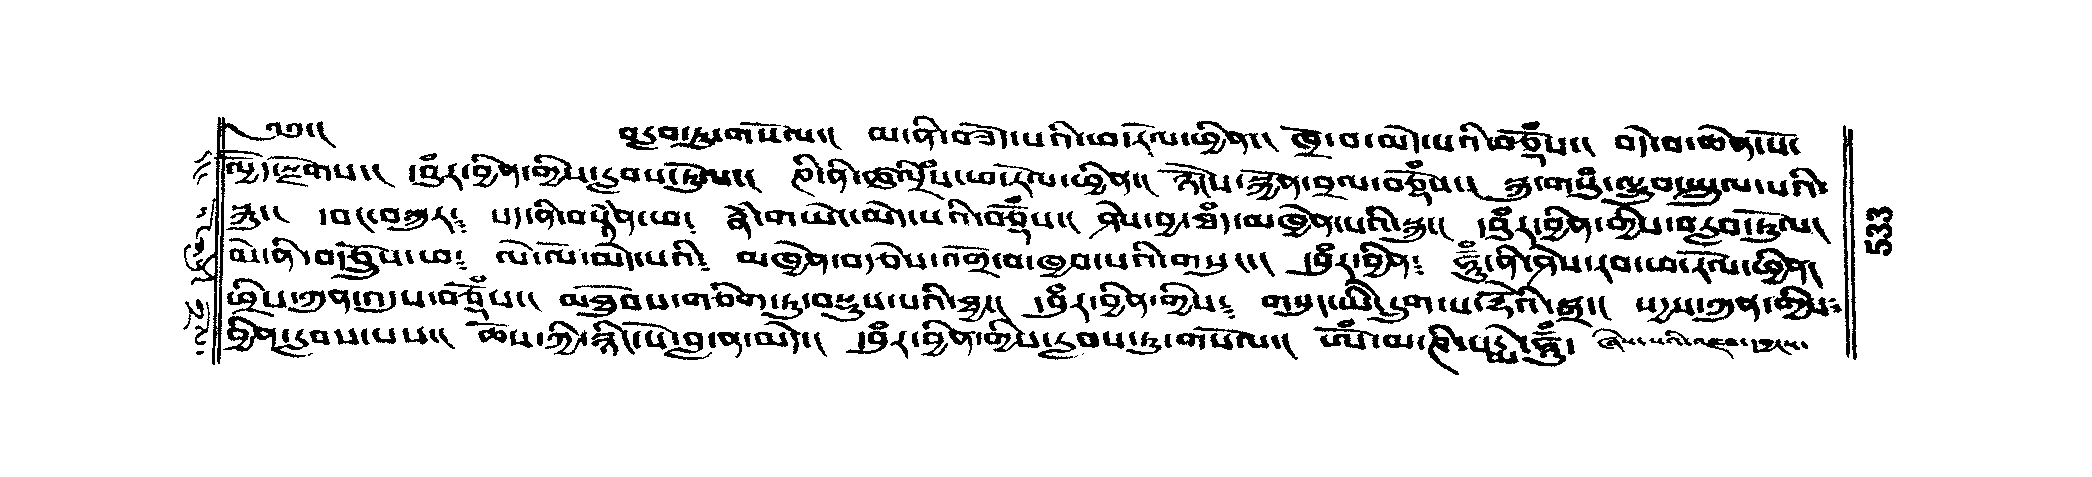བརླབ་ཏུ་གསོལ། །མ་ནི་བཟོད་པའི་ཕ་རོལ་ཕྱིན། །ཁྲོབ་མེད་པའི་བཅོམ་ལྡན་འདས། །བདེ་བ་ཆེན་པོ་
ལོངས་སྤྱོད་རྫོགས། །དབང་བསྐུར་བྱིན་གྱིས་བརླབ་ཏུ་གསོལ། །ཎི་ནི་ཚུལ་ཁྲིམས་ཕ་རོལ་ཕྱིན། །ཉོན་མོངས་སྐྱོན་བྲལ་བཅོམ་ལྡན་འདས། །སྐུ་གསུམ་ལྷུན་གྲུབ་སྤྲུལ་བའི་
སྐུ། །དབང་བསྐུར་བྱིན་གྱིས་བརླབ་ཏུ་གསོལ། །པད་ནི་བསམ་གཏན་ཕ་རོལ་ཕྱིན། །རྣམ་གཡེང་མེད་པའི་བཅོམ་ལྡན་འདས། །ཤེས་བྱ་ཐམས་ཅད་མཁྱེན་པའི་སྐུ། །དབང་བསྐུར་བྱིན་གྱིས་བརླབ་ཏུ་གསོལ། །
མེ་ནི་བརྩོན་འགྲུས་ཕ་རོལ་ཕྱིན། །ལེ་ལོ་མེད་པའི་བཅོམ་ལྡན་འདས། །མཁྱེན་བརྩེ་འགྲོ་བ་ཁྱབ་པའི་གསུང་། །དབང་བསྐུར་བྱིན་གྱིས་བརླབ་ཏུ་གསོལ། །ཧཱུྃ་ནི་ཤེས་རབ་ཕ་རོལ་ཕྱིན། །
ཕྲིན་ལས་ཀུན་འདུས་བཅོམ་ལྡན་འདས། །མཐུ་སྟོབས་གཅིག་ཏུ་བསྡུས་པའི་ཐུགས། །དབང་བསྐུར་བྱིན་གྱིས་བརླབ་ཏུ་གསོལ། །གསུང་ཡི་གེ་དྲུག་པ་རྡོ་རྗེའི་སྒྲ། །སངས་རྒྱས་ཀུན་གྱིས་
བྱིན་རླབས་པས། །ཆོས་ཀྱི་སྙིང་པོ་བླ་ན་མེད། །དབང་བསྐུར་བྱིན་གྱིས་བརླབ་ཏུ་གསོལ།ཨོཾ་མ་ཎི་པདྨེ་ཧཱུྃ། ཞེས་པའི་འཛབ་དབྱངས་